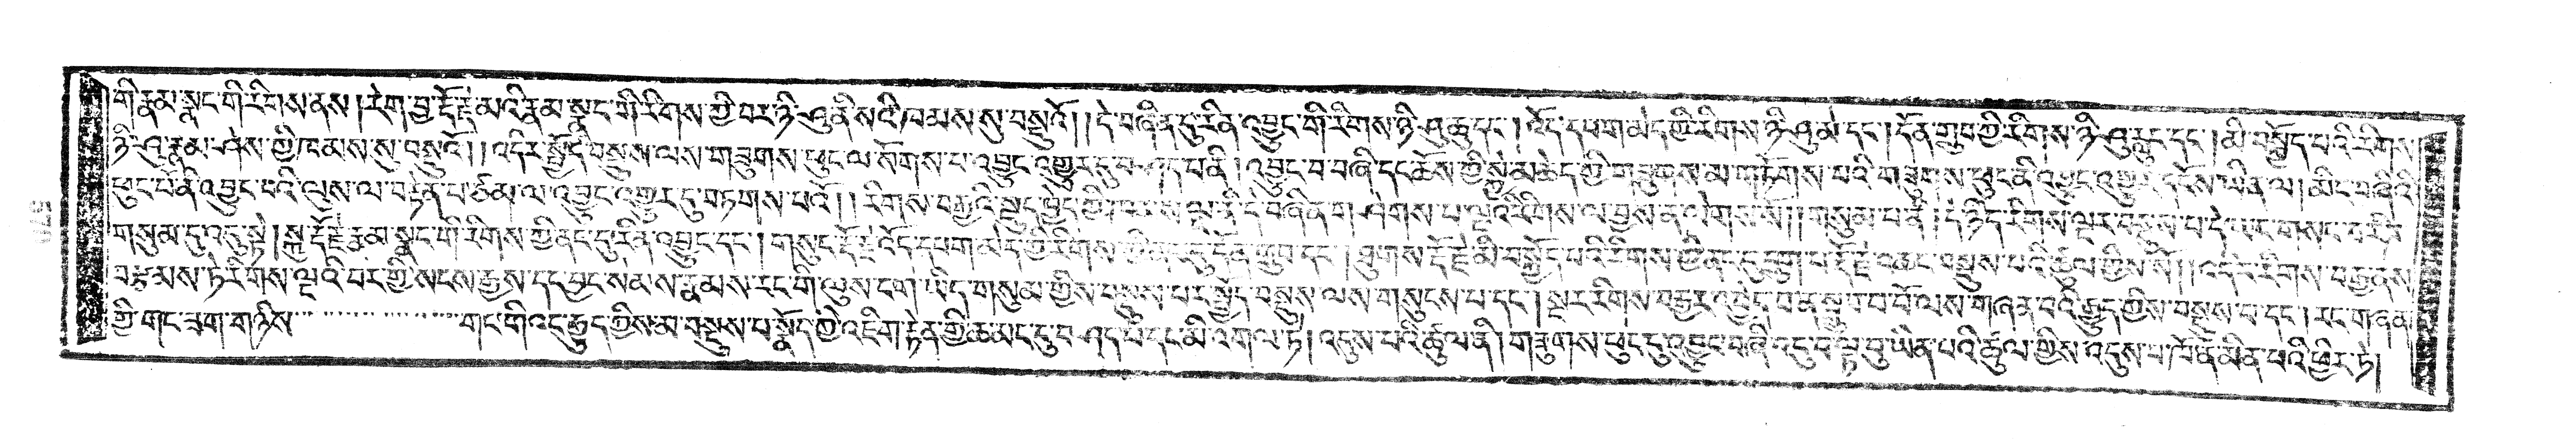གི་རྣམ་སྣང་གི་རིགས་ནས། རེག་བྱ་རྡོ་རྗེ་མའི་རྣམ་སྣང་གི་རིགས་ཀྱི་བར་ཉི་ཤུ་ནི་སའི་ཁམས་སུ་བསྡུའོ། །དེ་བཞིན་དུ་རིན་འབྱུང་གི་རིགས་ཉི་ཤུ་ཆུ་དང་། འོད་དཔག་མེད་ཀྱི་རིགས་ཉི་ཤུ་མེ་དང་། དོན་གྲུབ་ཀྱི་རིགས་ཉི་ཤུ་རླུང་དང་། མི་བསྐྱོད་པའི་རིགས་
ཉི་ཤུ་རྣམ་ཤེས་ཀྱི་ཁམས་སུ་བསྡུའོ། །འདིར་སྤྱོད་བསྡུས་ལས་གཟུགས་ཕུང་ལ་སོགས་པ་འབྱུང་འགྱུར་དུ་བཤད་པ་ནི། འབྱུང་བ་བཞི་དང་ཆོས་ཀྱི་སྐྱེ་མཆེད་ཀྱི་གཟུགས་མ་གཏོགས་པའི་གཟུགས་ཕུང་ནི་འབྱུང་འགྱུར་དངོས་ཡིན་ལ། མིང་བཞིའི་
ཕུང་པོ་ནི་འབྱུང་བའི་ལུས་ལ་བརྟེན་པ་ཙམ་ལ་འབྱུང་འགྱུར་དུ་བཏགས་པའོ། །རིགས་བརྒྱའི་སྡུད་བྱེད་ཀྱི་ཁམས་ལྔ་ནི་དེ་བཞིན་གཤེགས་པ་ལྔའི་རིགས་ལ་བྱས་ན་ལེགས་སོ། །གསུམ་པ་ནི། དེ་ཉིད་རིགས་ལྔར་བསྡུས་པ་དེ་ཡང་གསང་བ་རིགས་
གསུམ་དུ་འདུ་སྟེ། སྐུ་རྡོ་རྗེ་རྣམ་སྣང་གི་རིགས་ཀྱི་ནང་དུ་རིན་འབྱུང་དང་། གསུང་རྡོ་རྗེ་འོད་དཔག་མེད་ཀྱི་རིགས་ཀྱི་ནང་དུ་དོན་གྲུབ་དང་། ཐུགས་རྡོ་རྗེ་མི་བསྐྱོད་པའི་རིགས་ཀྱི་ནང་དུ་དྲུག་པ་རྡོ་རྗེ་འཆང་བསྡུས་པའི་ཚུལ་གྱིས་སོ། །འདིར་རིགས་བརྒྱ་ནས་
བརྩམས་ཏེ་རིགས་ལྔའི་བར་གྱི་སངས་རྒྱས་དང་བྱང་སེམས་རྣམས་རང་གི་ལུས་ངག་ཡིད་གསུམ་གྱིས་བསྡུས་པར་སྤྱོད་བསྡུས་ལས་གསུངས་པ་དང་། སྔར་རིགས་བརྒྱར་འབྱེད་པ་ན་སྒྲུབ་པ་པོ་ལས་གཞན་པའི་རྒྱུད་ཀྱིས་བསྡུས་པ་དང་། རང་གཞན་
གྱི་གང་ཟག་གཉིས་གང་གིའང་རྒྱུད་ཀྱིས་མ་བསྡུས་པ་སྣོད་ཀྱི་འཇིག་རྟེན་གྱི་ཆ་མང་དུ་བཤད་པ་དང་མི་འགལ་ཏེ། འདུས་པའི་ཚུལ་ནི། གཟུགས་ཕུང་དུ་འབྱུང་བཞི་འདུ་བ་ལྟ་བུ་ཡིན་པའི་ཚུལ་གྱིས་འདུས་བ་ཁོ་ན་མིན་པའི་ཕྱིར་ཏེ།